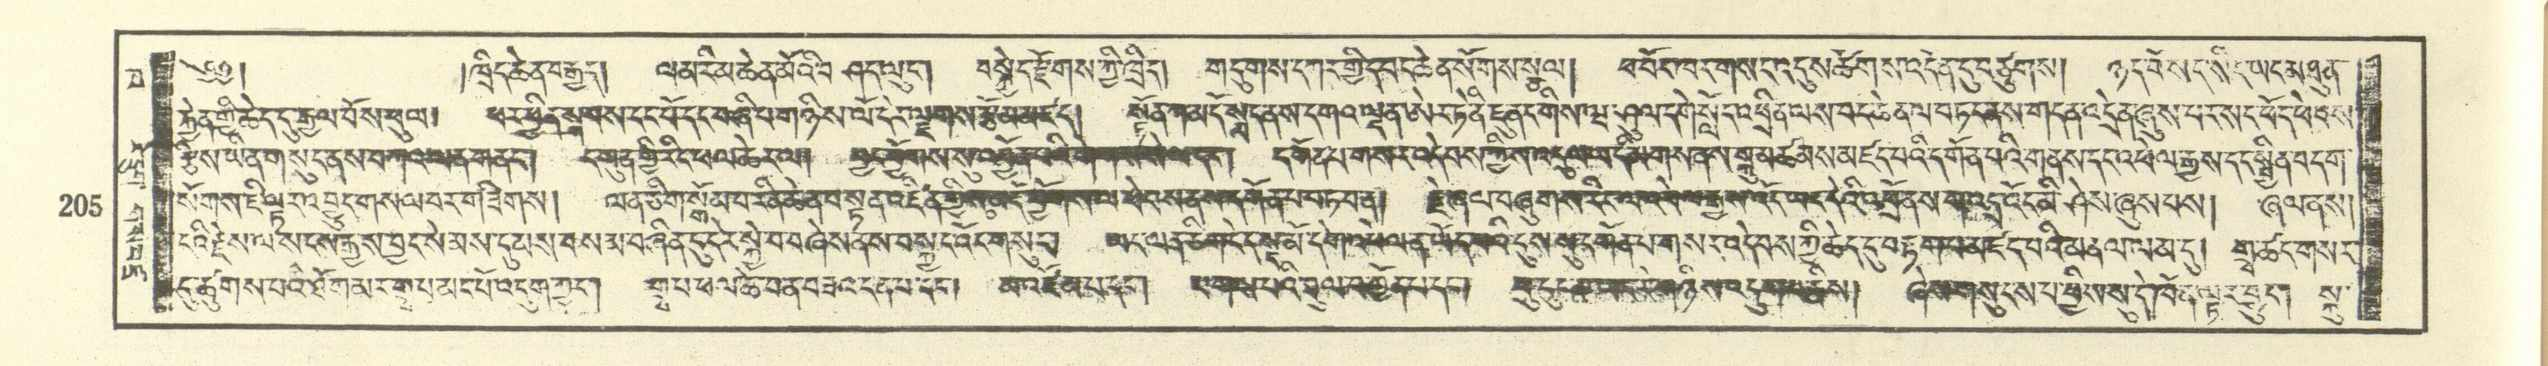༄༅། །ཁྲིད་ཆེན་བརྒྱད། ལམ་རིམ་ཆེན་མོའི་བཤད་ལུང་། བསྐྱེད་རྫོགས་ཀྱི་ཁྲིད། གདུགས་དཀར་གྱི་དབང་ཆེན་སོགས་སྩལ། ཕ་བོང་ཁར་གསང་འདུས་ཚོགས་འདོན་དུ་བཙུགས། ཉད་པོ་སང་སིང་ཡང་མཐུན་
རྐྱེན་གྱི་ཆེད་དུ་རྒྱལ་པོས་ཕུལ། ཕར་ཕྱིན་སྐབས་དང་པོ་དང་བཞི་པ་གཉིས་ལོ་དེར་ལྗགས་རྩོམ་མཛད། སྟོན་ཀ་མདོ་སྨད་ནས་དགའ་ལྡན་ཨེར་ཏེ་ནི་ཇུ་ནང་གིས་ཝ་ཤུལ་དགེ་སློང་འཕྲིན་ལས་བང་ཆེན་ལ་བཏང་ནས་གདན་འདྲེན་ཞུས་པར་སང་ཕོད་ཕེབས་
རྩིས་ཡིན་གསུང་ནས་བཀའ་ལན་གནང་། དགུན་གྱི་རིང་ཕལ་ཆེར་ལ། བྱང་ཕྱོགས་སུ་འབྱོན་པའི་གེགས་སེལ་དང་། དགོན་པ་གསར་འདེབས་ཀྱིས་འདུལ་ལ་དམིགས་ནས་སྐུ་མཚམས་མཛད་པའི་དགོན་པའི་གནས་དང་འཕེལ་རྒྱས་དང་སྤྱིན་བདག་
སོགས་ཇི་ལྟར་འབྱུང་གསལ་བར་གཟིགས། ལན་ཅིག་སྒོམ་པ་རིན་ཆེན་བསྟན་འཛིན་གྱིས་མདོ་ཕྱོགས་ལ་ཕེབས་ནས་དགོན་པ་བཏབ་ན། རྗེ་ཞལ་བཞུགས་རིང་ལ་འཕེལ་རྒྱས་འོང་ཡང་དེའི་འཕྲོ་ནས་ག་འདྲ་འོང་མི་ཤེས་ཞུས་པས། ཞལ་ནས།
ངའི་རྗེས་ལ་སངས་རྒྱས་བྱང་སེམས་དུམས་བསམ་བཞིན་དུ་དེར་སྐྱེ་བ་བཞེས་ནས་བསྐྱང་འོང་གསུང་། ཡང་ལན་ཅིག་ངེད་སྔ་མོ་དགེ་འཕེལ་ན་ཡོད་པའི་དུས་སུ་དགོན་པ་གསར་འདེབས་ཀྱི་ཆེད་དུ་བརྟག་པ་མཛད་པའི་མནལ་ལམ་དུ། གྲྭ་ཚང་གསར་
དུ་ཚུགས་པའི་ཐོག་མར་གྲྭ་པ་མང་པོ་འདུག་ཀྱང་། གྲྭ་པ་ཕལ་ཆེ་བ་ན་བཟའ་དན་པ་དང་། མ་འཛོམ་པ་དང་། པགས་པའི་ཐུལ་བ་གྱོན་པ་དང་། ཕུ་དུང་མ་ཡང་རེ་གཉིས་འདུག་པ་རྨིས། ཞེས་གསུངས་པ་ཕྱིས་སུ་དེ་ཁོན་ལྟར་བྱུང་། སྐུ་